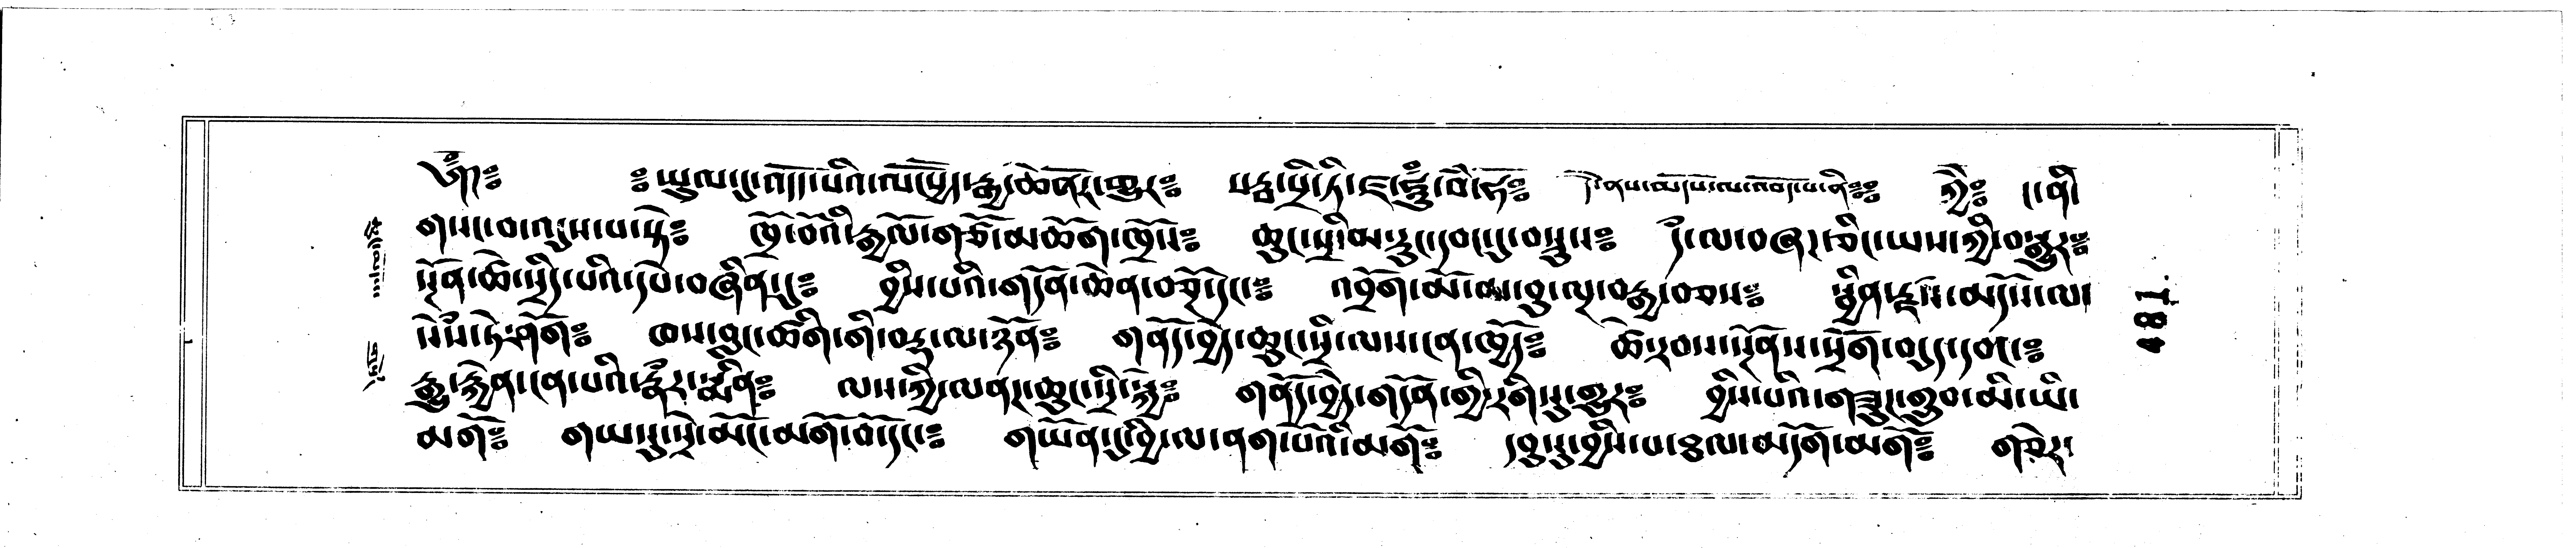༔ཡུལ་དུ་འདོད་པའི་ལོངས་སྤྱོད་རྒྱ་ཆེན་པོར་གྱུར༔སརྦ་པྲི་ཏི་ཛ་ཧཱུཾ་བཾ་ཧོ༔དེ་ནས་མདོས་ལ་འབོད་པ་ནི༔ཀྱཻ༔ང་ནི་
གསང་བ་འདུས་པ་སྟེ༔ཁྲོ་བོའི་རྒྱལ་པོ་གཙོ་མཆོག་ཁྲོས༔ཆུང་སྲི་མ་རུང་དབང་དུ་བསྡུས༔དམ་ལ་བཞགས་ཅིང་ཡས་ཀྱིས་བསྒྱུར༔
སྔོན་ཚེ་སྲིད་པའི་དཔེ་བཞིན་དུ༔བྱིས་པའི་གདོན་ཆེན་བཅོ་ལྔ་དང་༔འབྲོག་མོ་མ་བུ་ལྔ་བརྒྱ་བཅས༔སྦྱིན་རྫས་མདོས་ལ་
སེམས་ཏེ་ཤོག༔ཁས་བླང་ཚིག་གི་བརྡ་ལ་ཉོན༔གནོད་བྱེད་ཆུང་སྲི་ལས་ངན་ཁྱོད༔ཚེ་རབས་སྔོན་ནས་སྲོག་བདུད་དབང་༔
རྒྱུ་རྐྱེན་ངན་པའི་རྣམ་པར་སྨིན༔ལས་ཀྱི་ལན་ཆགས་ཆུང་སྲི་སྐྱེ༔གནོད་བྱེད་གདོན་གྱི་རིགས་སུ་གྱུར༔བྱིས་པའི་གཟུགས་གྲུབ་མི་ཡི་
མགོ༔གཡས་སུ་སྲེ་མོང་མགོ་བོ་དང་༔གཡོན་དུ་བྱི་ལ་ནག་པོའི་མགོ༔དབུས་སུ་བྱིས་པ་ཐལ་མདོག་མགོ༔གཅེར་